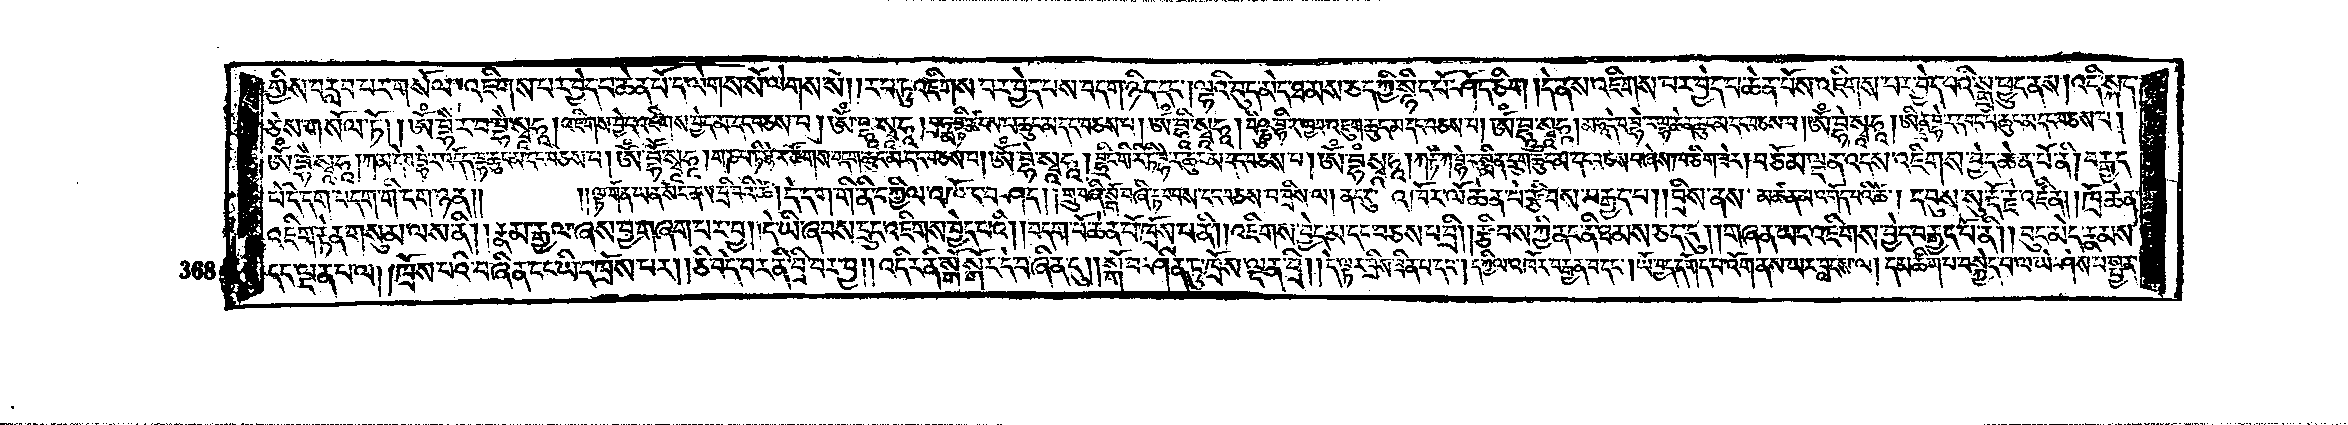གྱིས་བརླབ་པར་གསོལ། འཇིགས་པར་བྱེད་པ་ཆེན་པོ་ད་ལེགས་སོ་ལེགས་སོ། །རབ་ཏུ་འཇིགས་པར་བྱེད་པས་བདག་ཉིད་དང་། ལྷའི་བུད་མེད་ཐམས་ཅད་ཀྱི་སྙིང་པོ་ཤོད་ཅིག །དེ་ནས་འཇིགས་པར་བྱེད་པ་ཆེན་པོས་འཇིགས་པར་བྱེད་པའི་སྒྲ་ཕྱུང་ནས། འདི་སྐད་
ཅེས་གསོལ་ཏོ། །ཨོཾ་བྷཻ་ར་བ་བྷཻ་སྭཱ་ཧཱ། འཇིགས་བྱེད་འཇིགས་བྱེད་མ་དང་བཅས་པ། ཨོཾ་བྷཱ་སྭཱ་ཧཱ། བྲཧྨ་བྷི་ཚངས་པ་ཆུང་མ་དང་བཅས་པ། ཨོཾ་བྷཱི་སྭཱ་ཧཱ། བིཥྞུ་བྷི་ར་ཁྱབ་འཇུག་ཆུང་མ་དང་བཅས་པ། ཨོཾ་བྷཱུ་སྭཱ་ཧཱ། མཧཱ་དེ་བ་བྷེ་ར་ལྷ་ཆེན་ཆུང་མ་དང་བཅས་པ། ཨོཾ་བྷེ་སྭཱ་ཧཱ། ཨིནྡྲ་བྷེ་ར་དབང་པོ་ཆུང་མ་དང་བཅས་པ།
ཨོཾ་བྷཻ་སྭཱ་ཧཱ། ཀ་མ་དེ་བ་བྷེ་ར་འདོད་ལྷ་ཆུང་མ་དང་བཅས་པ། ཨོཾ་བྷཽ་སྭཱ་ཧཱ། ག་ཎ་པ་ཏི་བྷེ་ར་ཚོགས་བདག་ཆུང་མ་དང་བཅས་པ། ཨོཾ་བྷེ་སྭཱ་ཧཱ། བྷྲིང་གི་རི་ཏི་བྷཻ་ར་ཆུང་མ་དང་བཅས་པ། ཨོཾ་བྷཾ་སྭཱ་ཧཱ། ཀརྟི་ཀ་བྷེ་ར་སྨིན་དྲུག་ཆུང་མ་དང་བཅས་པ་ཞེས་ཁ་ཅིག་ཟེར། བཅོམ་ལྡན་འདས་འཇིགས་བྱེད་ཆེན་པོ་ནི། བརྒྱད་
པོ་དེ་དག་བདག་གི་ངག་ཉན།། །། ལྟ་གོན་ཡན་སོང་ནས་བྲི་བའི་ཚེ།  དེ་དག་གི་ནི་དཀྱིལ་འཁོར་བཤད། ། གྲུ་བཞི་སྒོ་བཞི་རྟ་བབས་དང་བཅས་པ་བྲིས་ལ། ནང་དུ་འཁོར་ལོ་ཆེན་པོ་རྩིབས་བརྒྱད་པ། །བྲིས་ནས་མཚན་མ་འགོད་པའི་ཚེ།  དབུས་སུ་རྡོ་རྗེ་འཛིན། །ཁྲོ་ཆེན་
འཇིག་རྟེན་གསུམ་ལས་ནི། །རྣམ་རྒྱལ་ཞེས་བྱ་གཞག་པར་བྱ། །དེ་ཡི་ཞབས་དྲུང་འཇིགས་བྱེད་པའི། །བདག་པོ་ཆེན་པོ་ཁྲོས་པ་ནི། །འཇིགས་བྱེད་མ་དང་བཅས་པ་བྲི། །རྩིབས་ཀྱི་ནང་ནི་ཐམས་ཅད་དུ། །གཞན་ཡང་འཇིགས་བྱེད་བརྒྱད་པོ་ནི། །བུད་མེད་རྣམས་
དང་ལྡན་པ་ལ། །ཁྲོས་པའི་བཞིན་དང་ཡིད་ཁྲོས་པར། །ཅི་བདེ་བར་ནི་བྲི་བར་བྱ། །འདིར་ནི་སྒོ་སྒོར་དེ་བཞིན་དུ། །སྒོ་བ་ཤིན་ཏུ་ཁྲོས་ལྡན་བྲི། །དེ་ལྟར་བྲིས་ཟིན་པ་དང་། དཀྱིལ་འཁོར་བརྒྱན་པ་དང་། ཡོ་བྱད་དགོད་པ་འོག་ནས་ཡར་བླངས་ལ། དམ་ཚིག་པ་བསྐྱེད་པ་ལ་ཡེ་ཤེས་པ་སྤྱན་